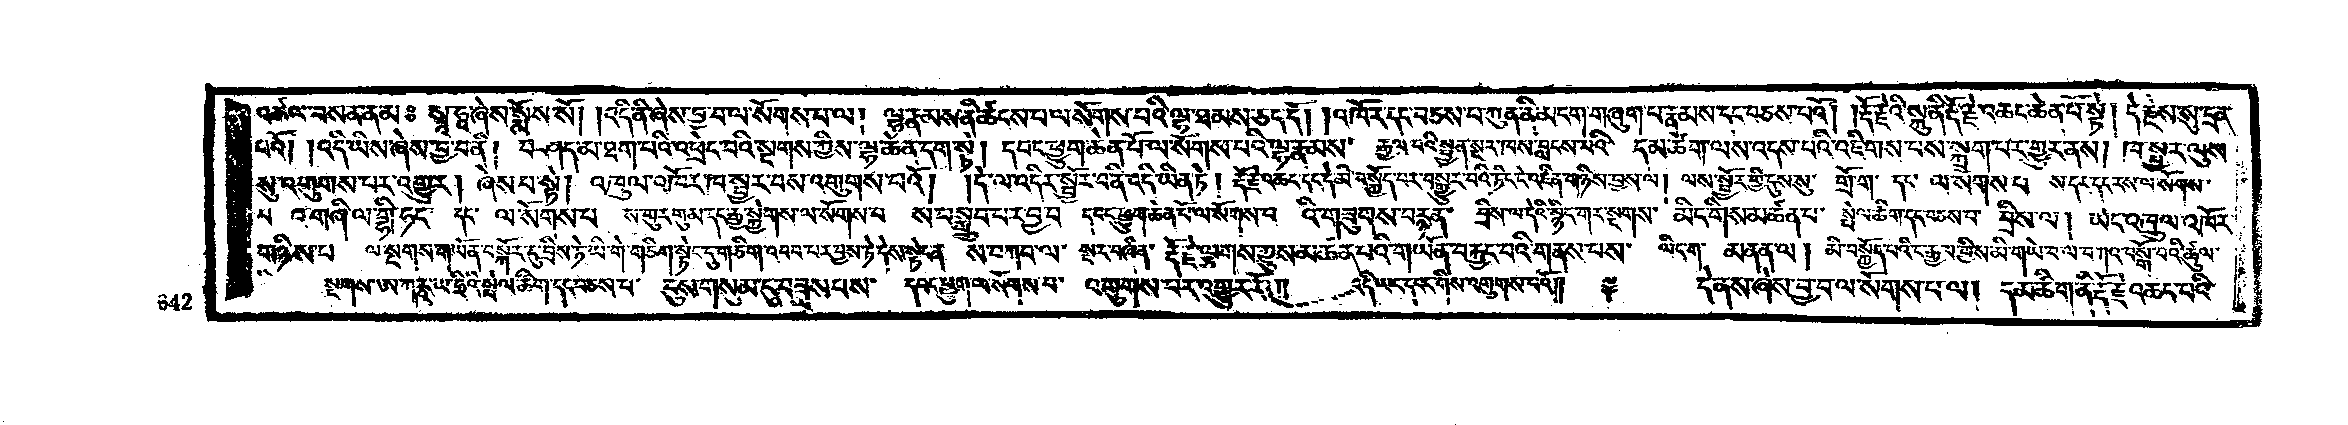འཚལ་བས་ན་ན་མཿ སྭཱ་ཧཱ་ཞེས་སྨོས་སོ། །འདི་ནི་ཞེས་བྱ་བ་ལ་སོགས་པ་ལ། ལྷ་རྣམས་ནི་ཆིངས་པ་ལ་སོགས་པའི་ལྷ་ཐམས་ཅད་དོ། །འཁོར་དང་བཅས་པ་ཀུན་ནི་མངག་གཞུག་པ་རྣམས་དང་བཅས་པའོ། །རྡོ་རྗེའི་སྐུ་ནི་རྡོ་རྗེ་འཆང་ཆེན་པོ་སྟེ། དེ་རྗེས་སུ་དྲན་
པའོ། །འདི་ཡིས་ཞེས་བྱ་བ་ནི། བཤད་མ་ཐག་པའི་འཕྲེང་བའི་སྔགས་ཀྱིས་ལྷ་ཚོན་དག་སྟེ། དབང་ཕྱུག་ཆེན་པོ་ལ་སོགས་པའི་ལྷ་རྣམས་རྒྱལ་བའི་སྤྱན་སྔར་ཁས་བླངས་པའི་དམ་ཚིག་ལས་འདས་པའི་འཇིགས་པས་སྐུག་པར་གྱུར་ནས། ཁ་སྦྱར་ལུས་
སུ་འགུགས་པར་འགྱུར། ཞེས་པ་སྟེ། འཁུལ་འཁོར་ཁ་སྦྱར་བས་འགུགས་པའོ། །དེ་ལ་འདིར་སྦྱོར་བ་ནི་འདི་ཡིན་ཏེ། རྡོ་རྗེ་འཆང་དང་དེ་མི་བསྐྱོད་པར་བསྒྱུར་བའི་ཏིང་ངེ་འཛིན་གཉིས་བྱས་ལ། ལས་སྦྱོར་གྱི་དུས་སུ་གྲོ་ག་དང་ལ་སོགས་པ་ས་དང་དང་རས་ལ་སོགས
པའི་གཞི་ལ་གྷཾ་ཧང་དང་ལ་སོགས་པས་གུར་གུམ་དང་རྒྱ་སྐྱེགས་ལ་སོགས་པས་བསྒྲུབ་པར་བྱ་བ་དབང་ཕྱུག་ཆེན་པོ་ལ་སོགས་པའི་གཟུགས་བརྙན་བྲིས་ལ་དེའི་སྙིང་གར་སྔགས་མིང་གིས་མཚན་པ་སྤེལ་ཚིག་དང་བཅས་པ་བྲིས་ལ། ཡང་འཁྲུལ་འཁོར་
གཉིས་པ་ལ་སྔགས་གཡོན་བསྐོར་དུ་བྲིས་ཏེ་ཡི་གེ་གཅིག་སྟེང་དུ་གཅིག་འབབ་པར་བྱས་ཏེ་དེ་སྟེང་ན་ས་བཀབ་ལ་སྔར་བཞིན་རྡོ་རྗེ་ལྕགས་ཀྱུས་མཚན་པའི་གཡོན་བརྐྱང་བའི་གནས་པས་ལིང་ག་མནན་ལ། མི་བསྐྱོད་པའི་ང་རྒྱལ་གྱི་མི་གཡོ་བ་ལ་བཀའ་བསྒོ་བའི་ཚུལ་
གྱིས་ཕྲེང་སྔགས་ཨ་ཀར་ཡ་ཇིའི་སྤེལ་ཚིག་དང་བཅས་པ་དུས་གསུམ་དུ་བཟླས་པས་དབང་ཕྱུག་ལ་སོགས་པ་འགུགས་པར་འགྱུར་རོ།། འདི་ཡང་དབང་གིས་འགུགས་པའོ།། ༈ དེ་ནས་ཞེས་བྱ་བ་ལ་སོགས་པ་ལ། དམ་ཚིག་ནི་རྡོ་རྗེ་འཆང་པའི་